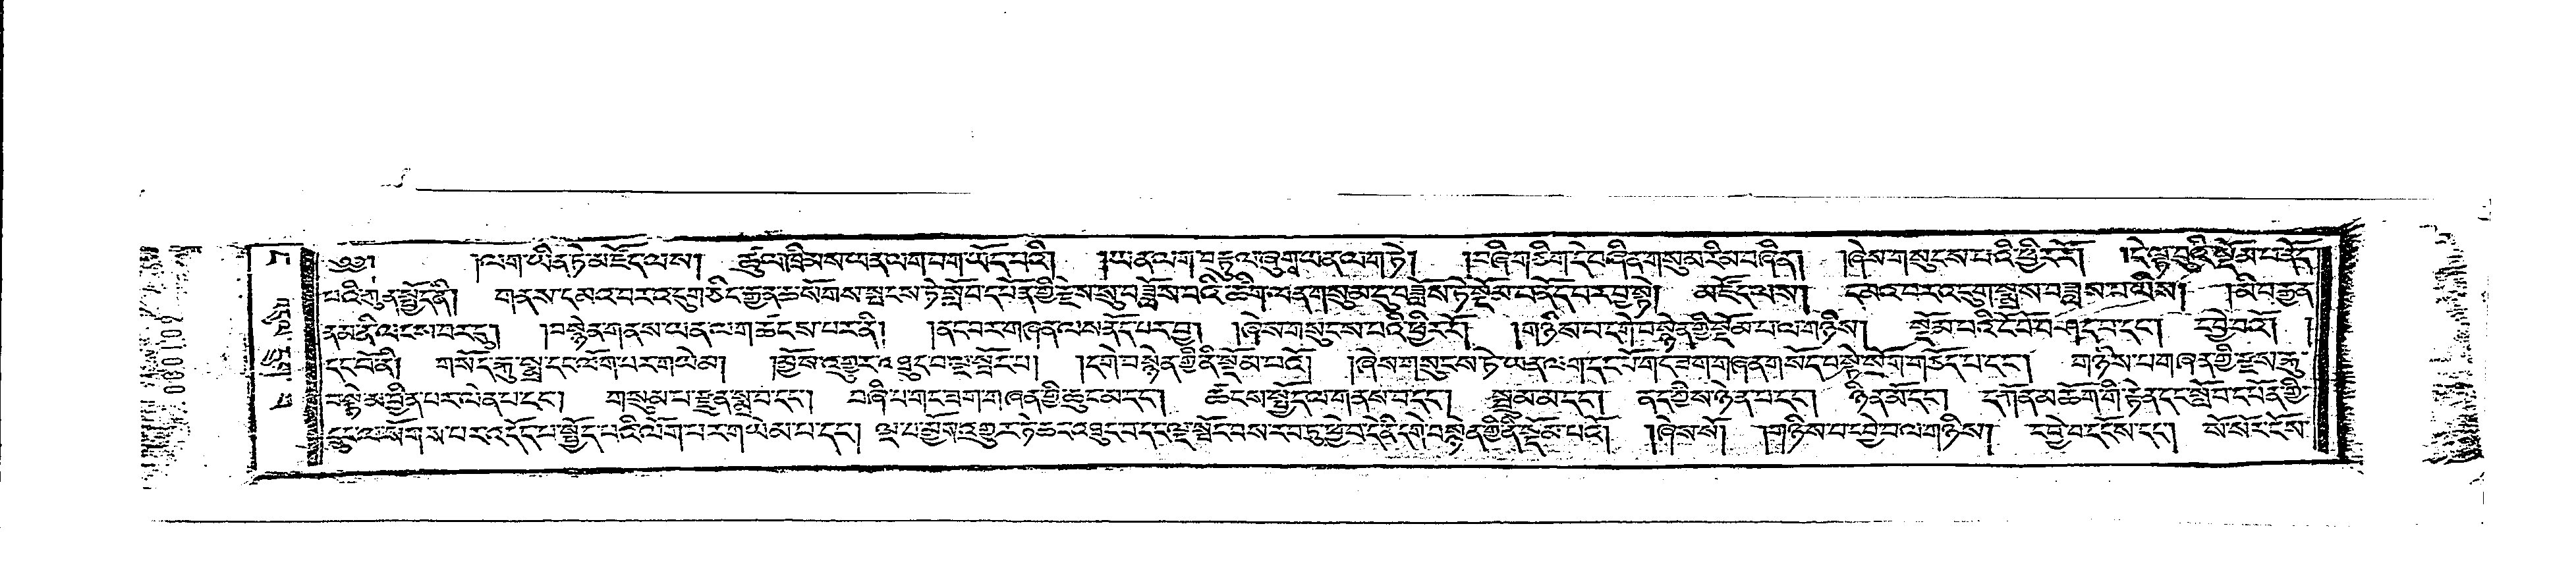༄༅། །ལག་ཡིན་ཏེ་མཛོད་ལས། ཚུལ་ཁྲིམས་ཡན་ལག་བག་ཡོད་པའི། །ཡན་ལག་བརྟུལ་ཞུགས་ཡན་ལག་ཏེ། །བཞི་གཅིག་དེ་བཞིན་གསུམ་རིམ་བཞིན། །ཞེས་གསུངས་པའི་ཕྱིར་རོ། །དེ་ལྟ་བུའི་སྡོམ་པ་ནོད་
པའི་ཀུན་སྤྱོད་ནི། གནས་དམའ་བར་འདུག་ཅིང་རྒྱན་ཆ་སོགས་སྤངས་ཏེ་སློབ་དཔོན་གྱི་རྗེས་སུ་བཟློས་པའི་ཚིག་ལན་གསུམ་དུ་བཟློས་ཏེ་སྡོམ་པ་ནོད་པར་བྱ་སྟེ། མཛོད་ལས། དམའ་བར་འདུག་སྨྲས་བཟླས་པ་ཡིས། །མི་བརྒྱན་
ནམ་ནི་ལངས་བར་དུ། །བསྙེན་གནས་ཡན་ལག་ཚངས་པར་ནི། །ནང་བར་གཞན་ལས་ནོད་པར་བྱ། །ཞེས་གསུངས་པའི་ཕྱིར་རོ། །གཉིས་པ་དགེ་བསྙེན་གྱི་སྡོམ་པ་ལ་གཉིས། སྡོམ་པའི་ངོ་བོ་བཤད་པ་དང་། དབྱེ་བའོ། །
དང་པོ་ནི། གསོད་རྐུ་སྨྲ་དང་ལོག་པར་གཡེམ། །མྱོས་འགྱུར་འཐུང་བ་ལྔ་སྤོང་པ། །དགེ་བསྙེན་གྱི་ནི་སྡོམ་པའོ། །ཞེས་གསུངས་ཏེ་ཡན་ལག་དང་པོ་གང་ཟག་གཞན་གསོད་བ་སྟེ་སྲོག་གཅོད་པ་དང་། གཉིས་པ་གཞན་གྱི་རྫས་རྐུ་
བ་སྟེ་མ་བྱིན་པར་ལེན་པ་དང་། གསུམ་པ་རྫུན་སྨྲ་བ་དང་། བཞི་པ་གང་ཟག་གཞན་གྱི་ཆུང་མ་དང་། ཚངས་སྤྱོད་ལ་གནས་པ་དང་། སྦྲུམ་མ་དང་། ནད་ཀྱིས་ཉེན་པ་དང་། ཉིན་མོ་དང་། དཀོན་མཆོག་གི་རྟེན་དང་སློབ་དཔོན་གྱི་
དྲུང་ལ་སོགས་པར་འདོད་པ་སྤྱོད་པའི་ལོག་པར་གཡེམ་པ་དང་། ལྔ་པ་མྱོས་འགྱུར་ཏེ་ཆང་འཐུང་བ་དང་ལྔ་སྤོང་བས་རབ་ཏུ་ཕྱེ་བ་དེ་ནི་དགེ་བསྙེན་གྱི་ནི་སྡོམ་པའོ། །ཞེས་སོ། །གཉིས་པ་དབྱེ་བ་ལ་གཉིས། དབྱེ་བ་དངོས་དང་། སོ་སོར་ངོས་